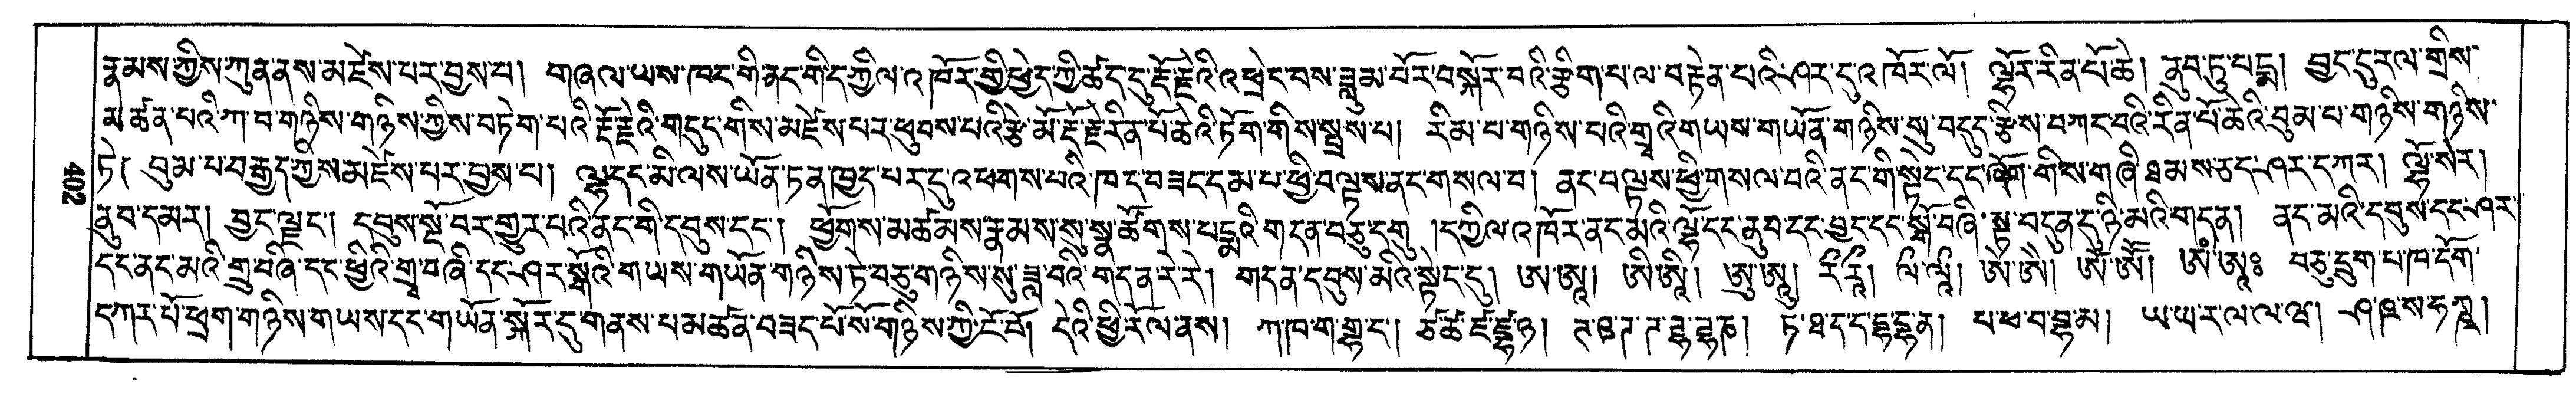རྣམས་ཀྱིས་ཀུན་ནས་མཛེས་པར་བྱས་པ། གཞལ་ཡས་ཁང་གི་ནང་གི་དཀྱིལ་འཁོར་གྱི་ཕྱེད་ཀྱི་ཚད་དུ་རྡོ་རྗེའི་འཕྲེང་བས་ཟླུམ་པོར་བསྐོར་བའི་རྩིག་པ་ལ་བརྟེན་པའི་ཤར་དུ་འཁོར་ལོ། ལྷོར་རིན་པོ་ཆེ། ནུབ་ཏུ་པདམ། བྱང་དུ་རལ་གྲིས་
མཚན་བའི་ཀ་བ་གཉིས་གཉིས་ཀྱིས་བཏེག་པའི་རྡོ་རྗེའི་གདུང་གིས་མཛེས་པར་ཕུབས་པའི་རྩེ་མོ་རྡོ་རྗེ་རིན་པོ་ཆེའི་ཏོག་གིས་སྤྲས་པ། རིམ་པ་གཉིས་པའི་གྲྭའི་གཡས་གཡོན་གཉིས་སུ་བདུད་རྩིས་བཀང་བའི་རིན་པོ་ཆེའི་བུམ་པ་གཉིས་གཉིས་
ཏེ༑ བུམ་པ་བརྒྱད་ཀྱིས་མཛེས་པར་བྱས་པ། ལྷ་དང་མི་ལས་ཡོན་ཏན་ཁྱད་པར་དུ་འཕགས་པའི་ཁང་བཟང་དམ་པ་ཕྱི་བལྟས་ནང་གསལ་བ། ནང་བལྟས་ཕྱི་གསལ་བའི་ནང་གི་སྟེང་ངང་འོག་གི་ས་གཞི་ཐམས་ཅད་ཤར་དཀར། ལྟོ་སེར།
ནུབ་དམར། བྱང་ལྗང་། དབུས་སྔོ་བར་གྱུར་པའི་ནང་གི་དབུས་དང་། ཕྱོགས་མཚམས་རྣམས་སུ་སྣ་ཚོགས་པདམའི་གདན་བཅུ་དགུ །དཀྱིལ་འཁོར་ནང་མའི་ལྷོ་དང་ནུབ་དང་བྱང་དང་སྒོ་བཞི་སྟེ་བདུན་དུ་ཉི་མའི་གདན། ནང་མའི་དབུས་དང་ཤར་
དང་ནང་མའི་གྲ་བཞི་དང་ཕྱིའི་གྲྭ་བཞི་དང་ཤར་སྒོའི་གཡས་གཡོན་གཉིས་ཏེ་བཅུ་གཉིས་སུ་ཟླ་བའི་གདན་རེ་རེ། གདན་དབུས་མའི་སྟེང་དུ། ཨ་ཨཱ། ཨི་ཨཱི༑ ཨུ་ཨཱུ། རྀ་རཱྀ༑ ལྀ་ལཱྀ། ཨེ་ཨཻ༑ ཨོཾ་ཨཽ། ཨཾ་ཨཿ བཅུ་དྲུག་པ་ཁ་དོག་
དཀར་པོ་ཕྲག་གཉིས་གཡས་དང་གཡོན་སྐོར་དུ་གནས་པ་མཚན་བ་ཟང་པོ་སོ་གཉིས་ཀྱི་ངོ་བོ། དེའི་ཕྱི་རོལ་ནས། ཀ་ཁ་ག་གྷ་ང་། ཙ་ཚ་ཛ་ཇྷཉ། ཊ་ཊཿཨ་ཌ་ཌ་ཌྟ་ཌྟ་ཎ། ཏ་ཐད་ད་དྷ་དྷ་ན། པ་ཕ་བ་བྷ་མ། ཡ་ཡ་ར་ལ་ལ་ཝ། ཤ་ཥ་ས་ཧ་ཀྵ།